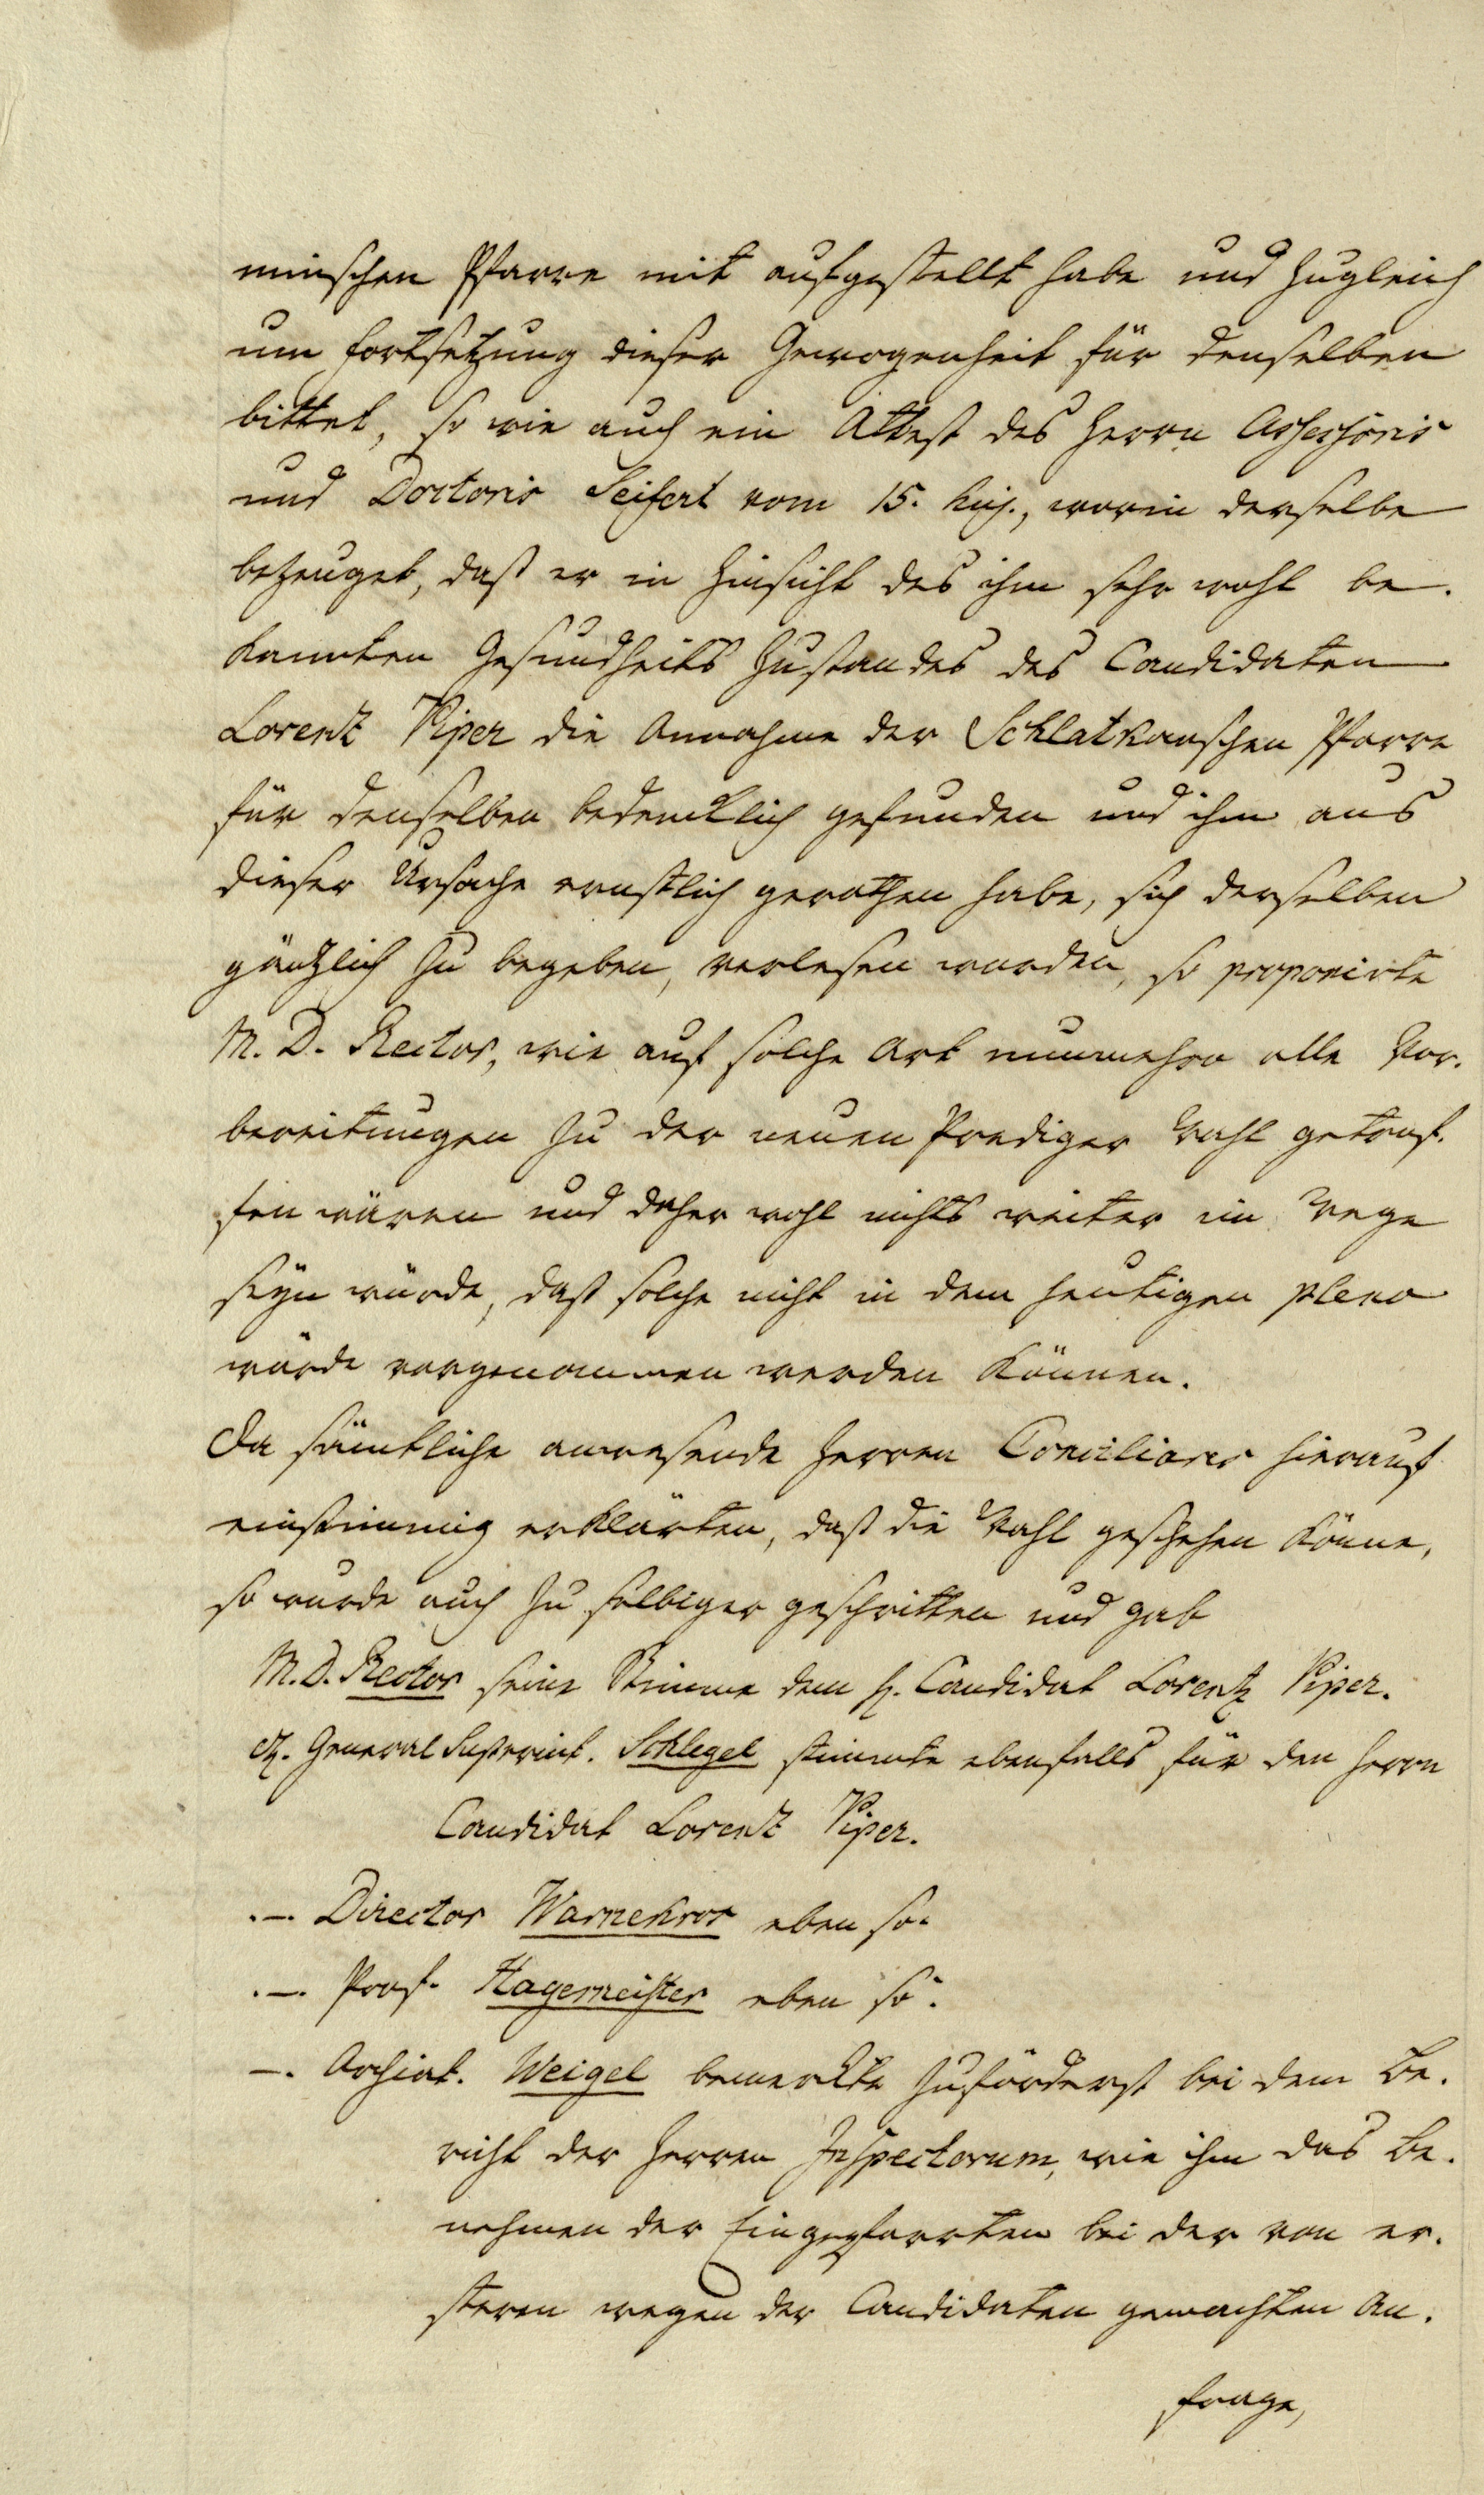minschen Pfarre mit aufgestellt habe und zugleich
um Fortsetzung dieser Gewogenheit für denselben
bittet, so wie auch ein Attest des Herrn Assessoris
und Doctoris Seifert vom 15. huj., worin derselbe
bezeuget, daß er in Hinsicht des ihm sehr wohl be¬
kannten Gesundheits zustandes des Candidaten
Lorentz Piper die Annahme der Schlatkowschen Pfarre
für denselben bedencklich gefunden und ihm aus
dieser Ursache ernstlich gerathen habe, sich derselben
gänzlich zu begeben, verlesen worden, so proponirte
M. D. Rector, wie auf solche Art nunmehro alle Vor¬
bereitungen zu der neuen Prediger Wahl getrof¬
fen wären und daher wohl nichts weiter im Wege
seÿn würde, daß solche nicht in dem heutigen pleno
würde vorgenommen werden können.
Da sämtliche anwesende Herren Conciliares hierauf
einstimmig erklärten, daß die Wahl geschehen könne,
so würde auch zu selbiger geschritten und gab
M. D. Rector seine Stimme dem h. Candidat Lorentz Piper.
dh. General Superint. Schlegel stimmte ebenfalls für den Herrn
Candidat Lorenz Piper.
Director Warnekros eben so.
Prof. Hagemeister eben so
Archiat. Weigel bemerkte zuförderst bei dem Be¬
richt der Herren Inspectorum, wie ihm das Be¬
nehmen der Eingepfarrten bei der von er¬
steren wegen der Candidaten gemachten An¬
frage,